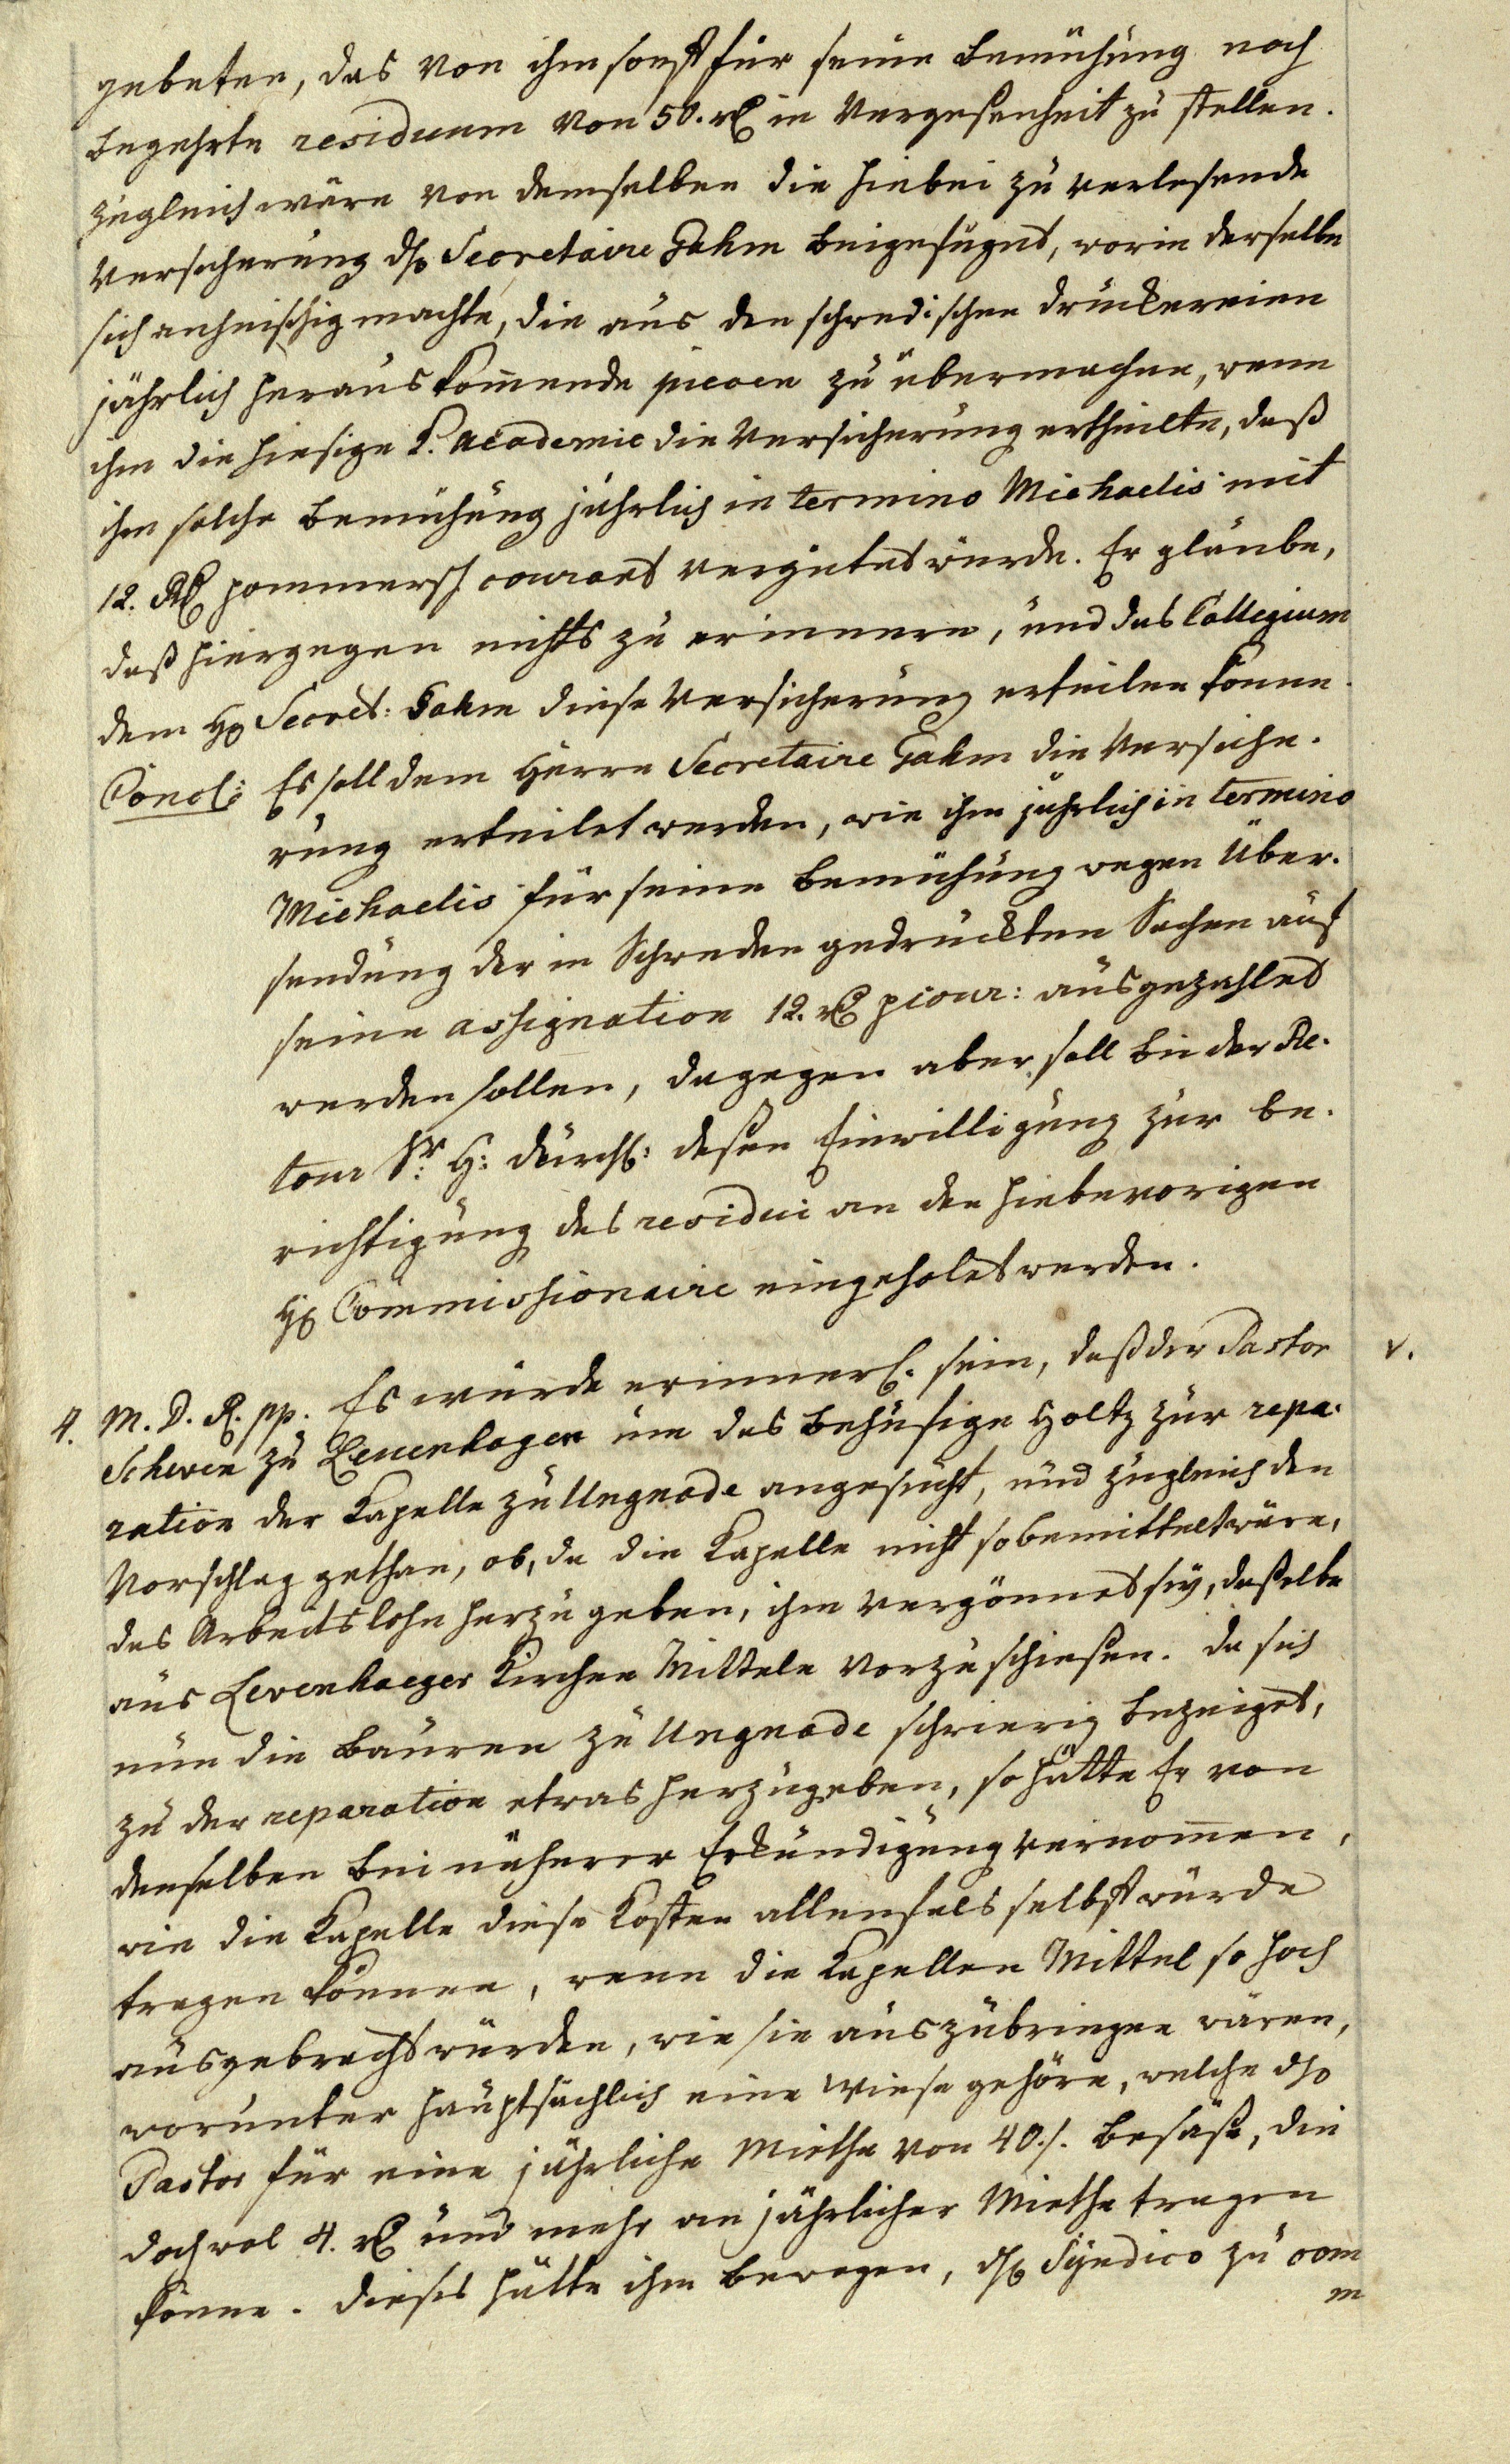gebeten, das von ihm sonst für seine Bemühung noch
begehrte residuum von 50 rl. in Vergeßenheit zu stellen.
Zugleich wäre von demselben die hiebei zu verlesende
Versicherung dh. Secretaire Gahm beigefüget, worin derselbe
sich anheischig machte, die aus den schwedischen Druckereien
jährlich herauskommende piecen zu übermachen, wenn
ihm die hiesige K. Academie die Versicherung ertheilte, daß
ihm solche Bemühung jährlich in termino Michaelis mit
12. Rl. pommersch courant vergütet würde. Er glaube,
daß hiergegen nichts zu erinnern, und das Collegium
dem H. Secret. Gahm diese Versicherung erteilen könne.
Concl. Es soll dem Herrn Secretaire Gahm die Versiche¬
rung erteilet werden, wie ihm jährlich in termino
Michaelis für seine Bemühung wegen Über¬
sendung der in Schweden gedruckten Sachen auf
seine assignation 12. rl. pcour. ausgezahlet
werden sollen, dagegen aber soll bei der Re¬
tour Sr H. Durchl. deßen Einwilligung zur be¬
richtigung des residui an den hiebevorigen
H. Commissionaire eingeholet werden.
4. M. D. R. pp. Es würde erinnerl. sein, daß der Pastor
Scheven zu Levenhagen um das behufige Holtz zur repa¬
ration der Kapelle zu Ungnade angesucht, und zugleich den
Vorschlag gethan, ob, da die Kapelle nicht so bemittelt wäre,
das Arbeitslohn herzugeben, ihm vergönnet seÿ, daßelbe
aus Levenhaeger Kirchen Mitteln vorzuschießen. da sich
nun die Bauren zu Ungnade schwierig bezeiget,
zu der reparation etwas herzugeben, so hätte Er von
derselben bei näherer Erkundigung vernomen,
wie die Kapelle diese Kosten allenfals selbst würde
tragen können, wenn die Kapellen Mittel so hoch
ausgebracht würden, wie sie auszubringen wären,
worunter hauptsächlich eine Wiese gehöre, welche dh.
Pastor für eine jährliche Miethe von 40.s. besäße, die
doch wol 4 rl. und mehr an jährlicher Miethe tragen
könne. Dieses hätte ihm bewogen, dh. Sÿndico zu com
m